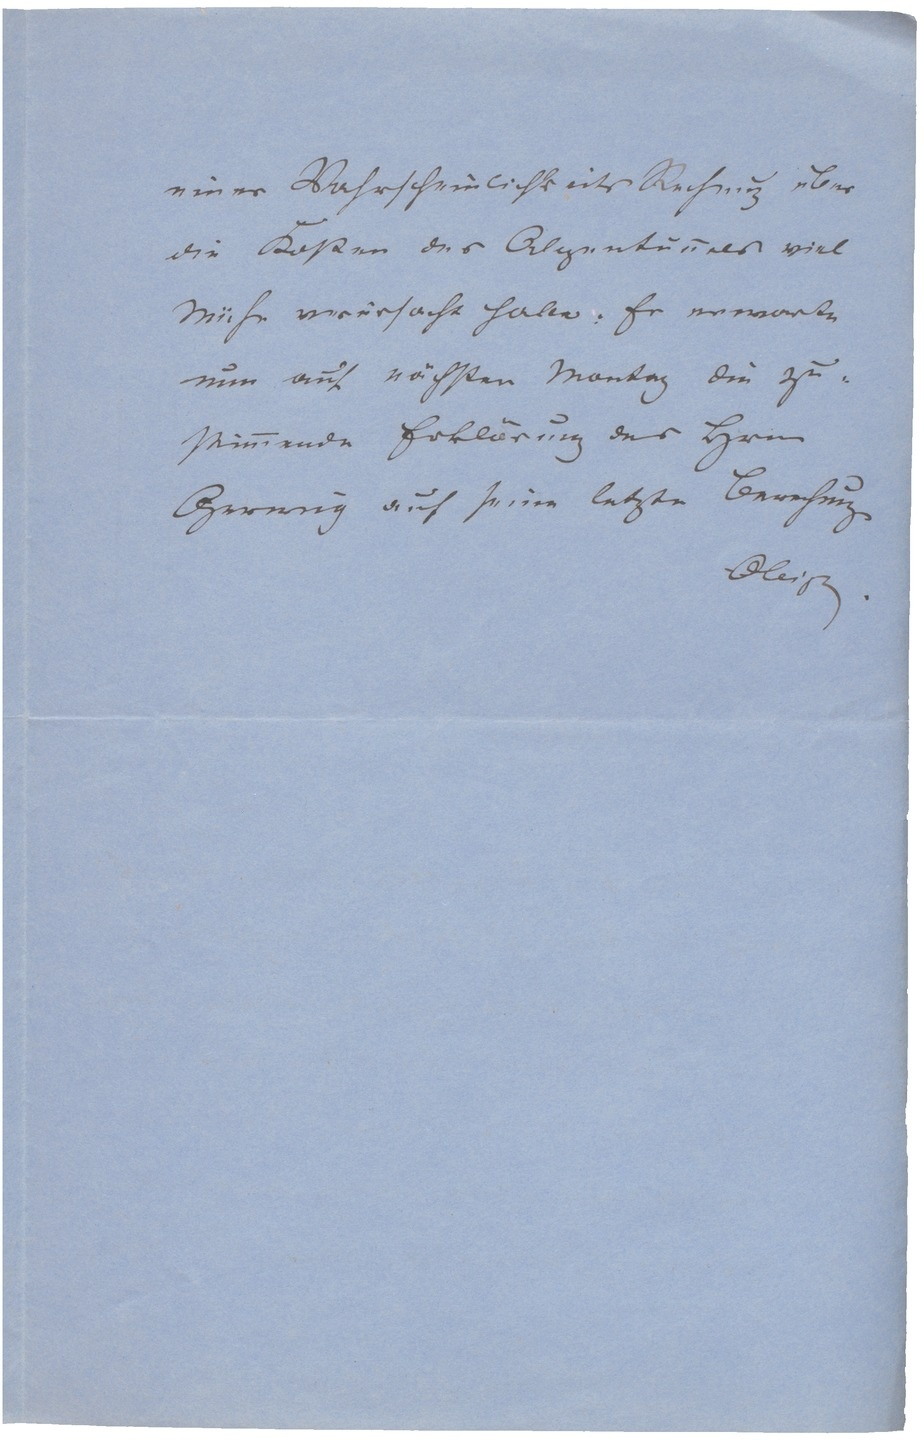einer Wahrscheinlichkeits Rechnung über
die Kosten des Alpentunnels viel
Mühe verursacht habe: Er erwarte
nun auf nächsten Montag die zu-
stimmende Erklärung des Herrn
Gerwig auf seine letzte Berechnung.
Obiger.